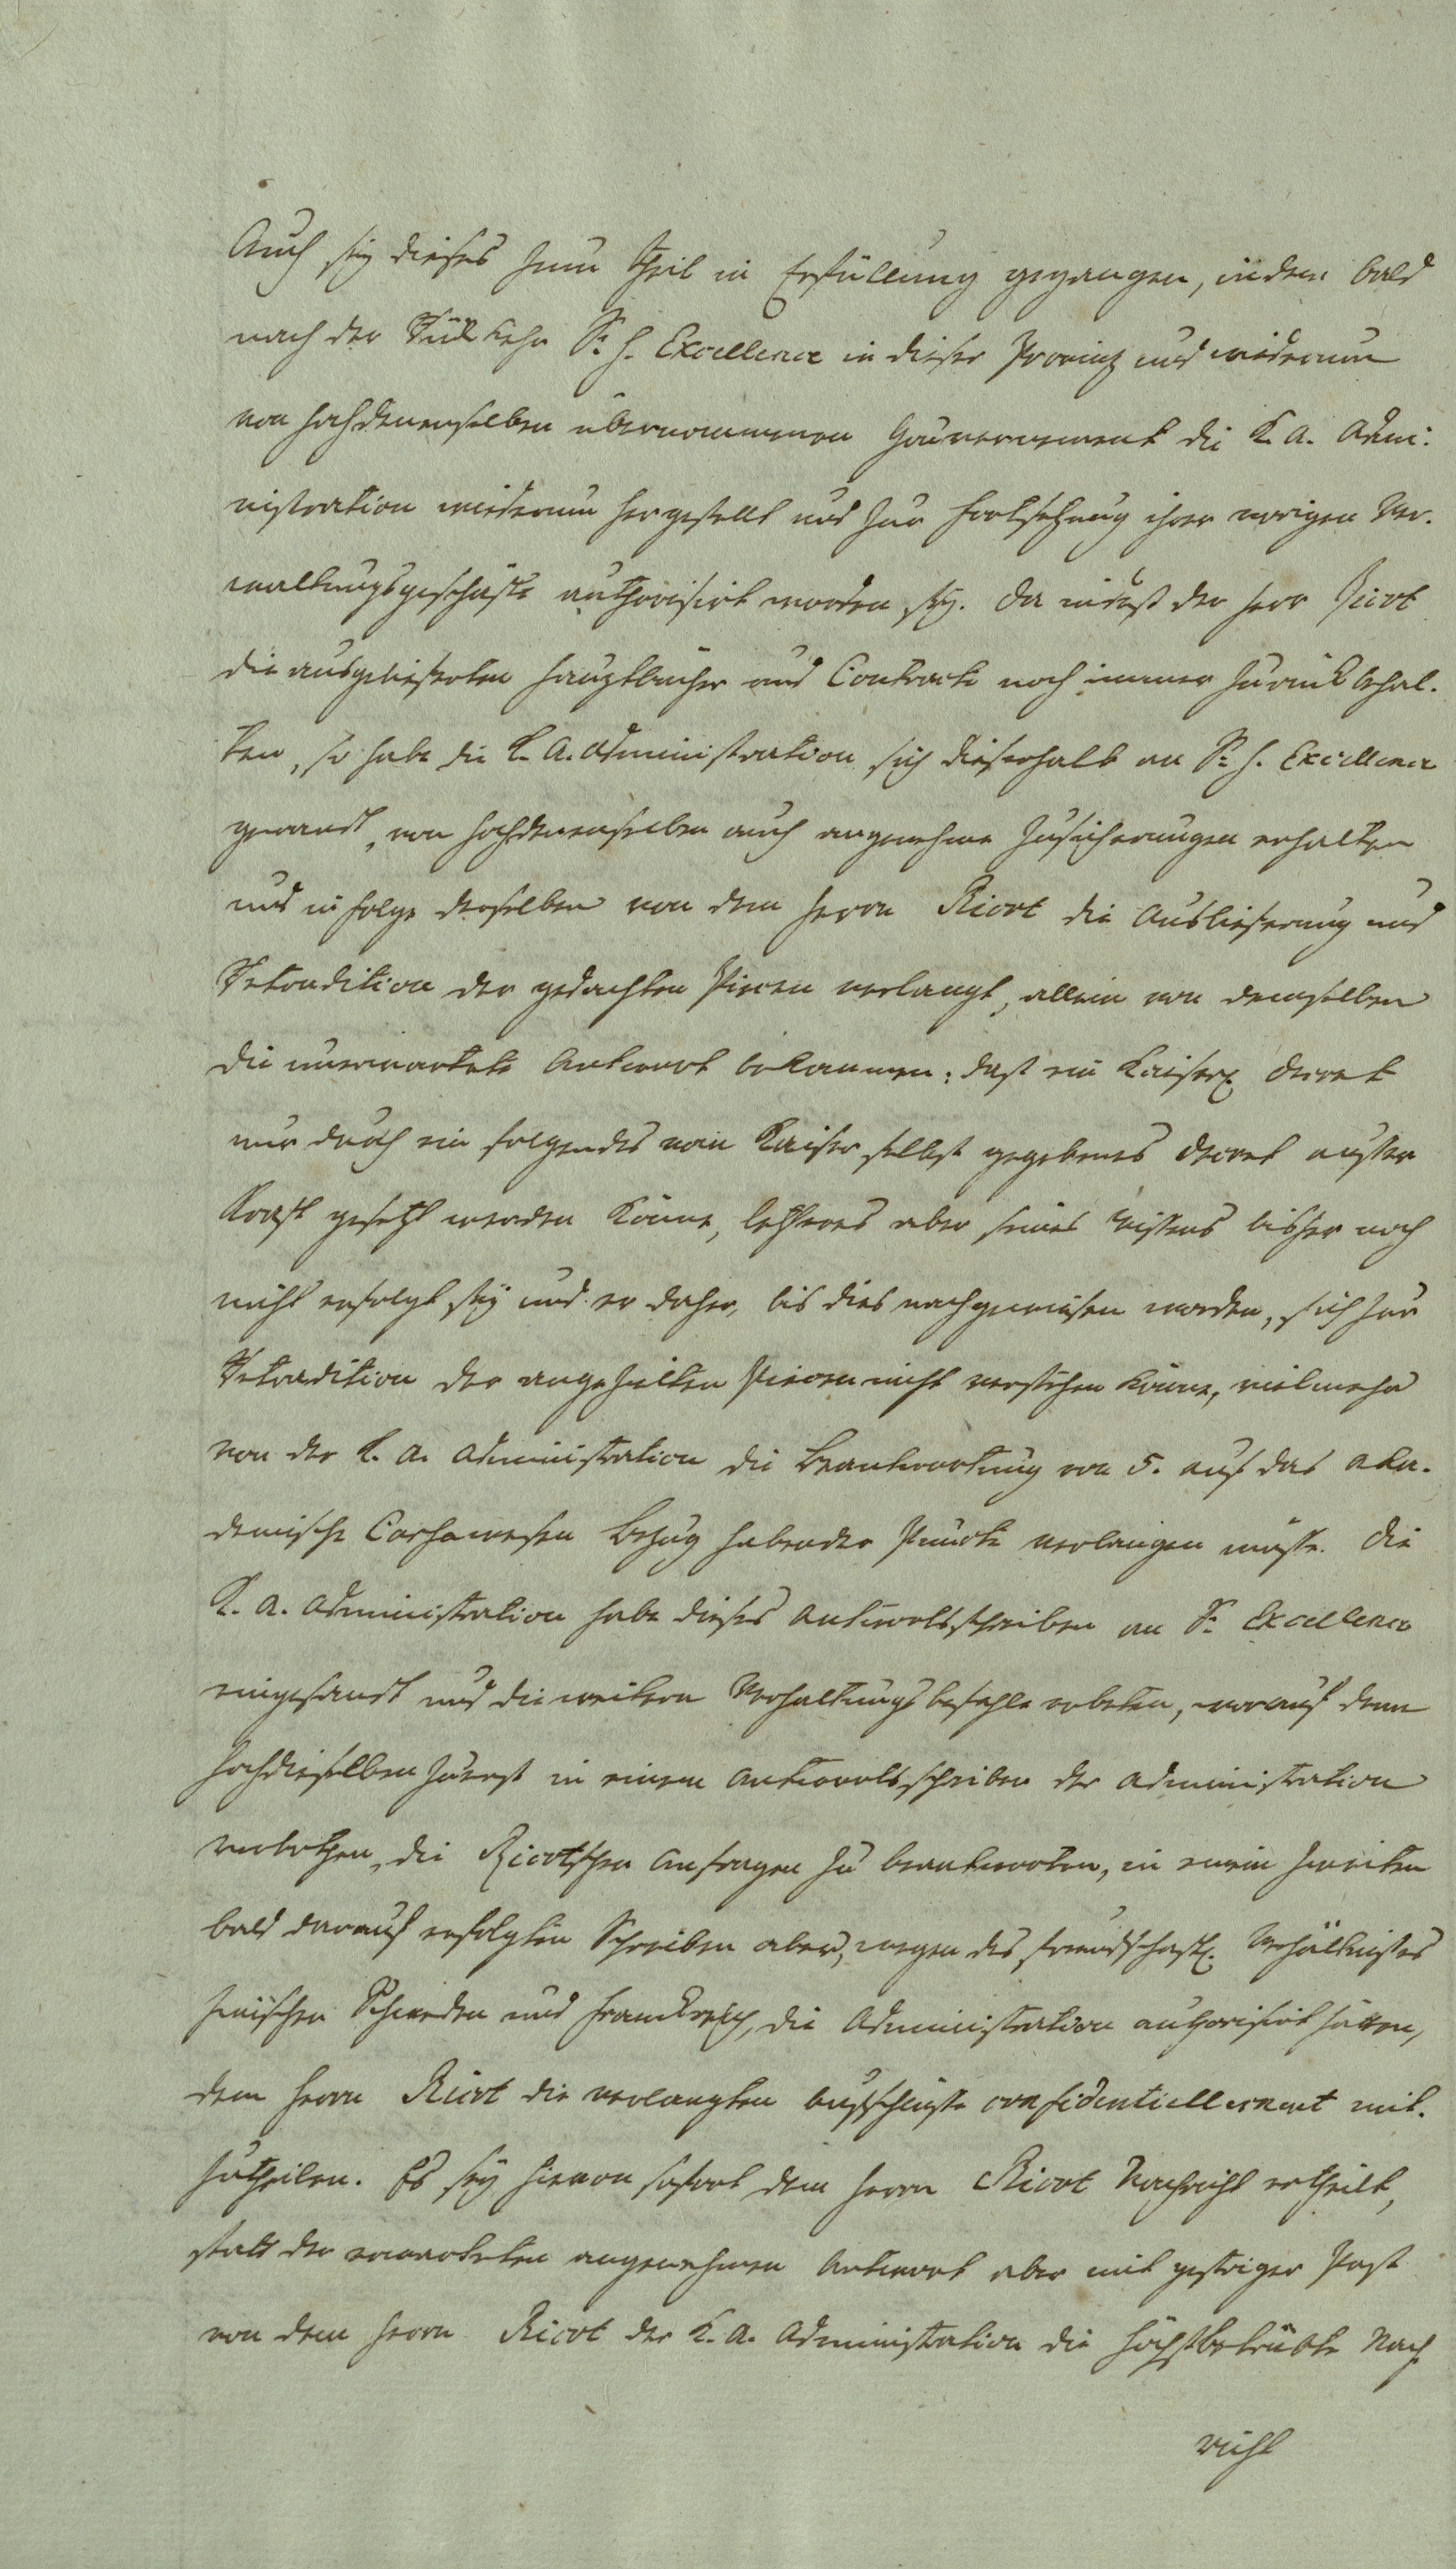Auch seÿ dieses zum Theil in Erfüllung gegangen, indem bald
nach der Rückkehr Sr. h. Excellence in dieser Provinz und wiederum
von hochdenenselben übernommenen Gouvernement die K. A. Admi¬
nistration wiederum hergestellt und zur Fortsetzung ihrer vorigen Ver¬
waltungsgeschäfte authorisirt worden seÿ. Da indeß der herr Ricot
die ausgelieferten Hauptbücher und Contracte noch immer zurückbehal¬
ten, so habe die K. A. Administration sich dieserhalb an Sr. h. Excellence
gewandt, von hochdenensleben auch angenehme Zusicherungen erhalten
und in Folge derselben von dem herrn Ricot die Auslieferung und
Retradition der gedachten Piecen verlangt, allein von demselben
die unerwartete Antwort bekommen, daß ein Kaiserl. Decret
nur durch ein folgendes vom Kaiser selbst gegebenes Decret außer
Kraft gesetzt werden könne, letzteres aber seines Wissens bisher noch
nicht erfolgt seÿ und er daher, bis dies nachgewiesen worden, sich zur
Retradition der angezielten Piecen nicht verstehen könne, vielmehr
von der K. A. Administration die Beantwortung von 5. auf das aka¬
demische Cassawesen Bezug habender Puncte verlangen müsse. Die
K. A. Administration habe dieses Antwortsschreiben an Sr. Excellence
eingesandt und die weitern Verhaltungsbefehle erbeten, worauf denn
hochdieselben zuerst in einem Antwortsschreiben der Administration
verbothen, die Ricotschen Anfragen zu beantworten, in einem zweiten
bald darauf erfolgten Schreiben aber, wegen des freundschaftl. Verhältnisses
zwischen Schweden und Franckreich, die Administration authorisirt hätten,
dem herrn Ricot verlangten Aufschlüsse confidentiell erneut mit¬
zutheilen. Es seÿ hievon sofort dem herrn Ricot Nachricht ertheilt,
statt der erwarteten angenehmen Antwort aber mit gestriger Post
von dem herrn Ricot der K. A. Administration die höchstbetrübte Nach¬
richt